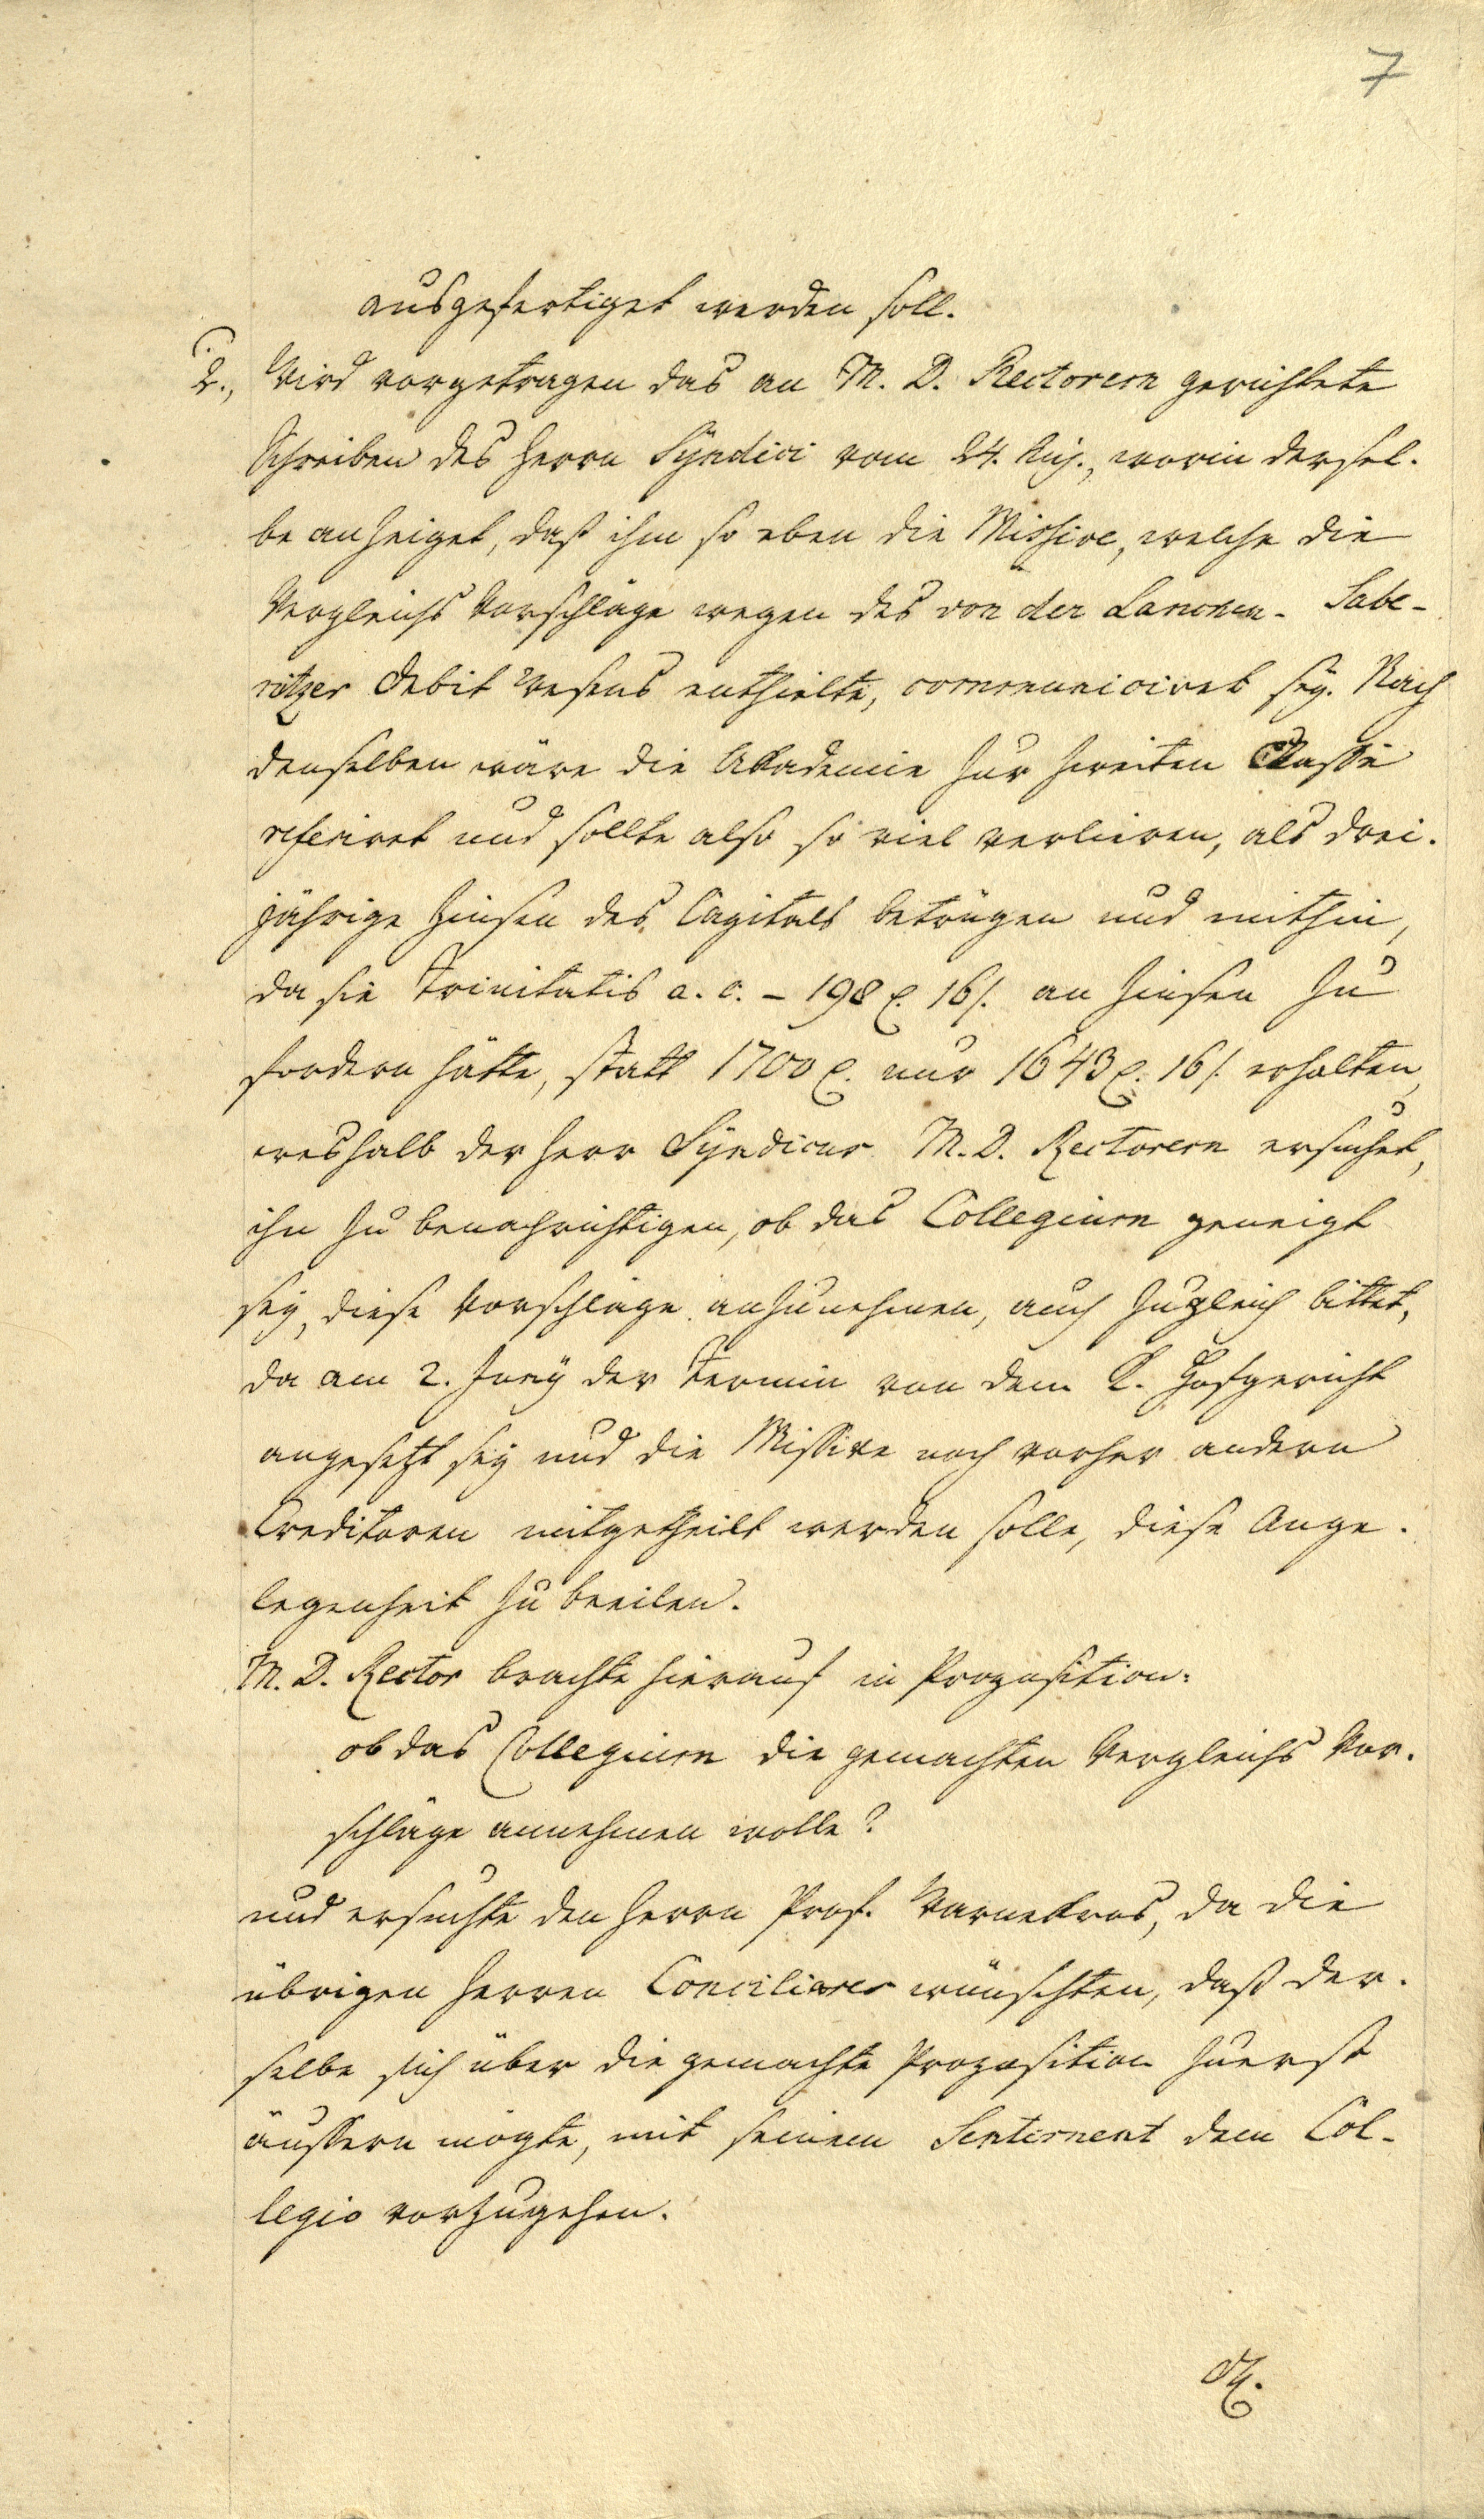ausgefertiget werden soll.
2. Wird vorgetragen das an M. D. Rectorem gerichtete
Schreiben des herrn Sÿndici vom 24. huj., worin dersel¬
be anzeiget, daß ihm so eben die Missive, welche die
Vergleichs Vorschläge wegen des von der Lancken Sabe¬
nitzer Debit Wesens enthielte, communiciret seÿ. Nach
denselben wäre die Akademie zur zweiten Classe
referiret und sollte also so viel verlieren, als drei¬
jährige Zinsen des Capitals betrügen und mithin
da sie Trinitatis a. c. 198 l. 16 s. an Zinsen zu
fordern hätte, statt 1700 l. nur 1643 l. 16 s. erhalten
weshalb der herr Sÿndicus M. D. Rectorem ersuchet,
ihn zu benachrichtigen, ob das Collegium geneigt
seÿ, diese Vorschläge anzunehmen, auch zugleich bittet,
da am 2. Junÿ der Termin von dem K. Hofgericht
angesetzt seÿ und die Missive noch vorher andern
Creditoren mitgetheilt werden solle, diese Ange¬
legenheit zu beeilen.
M. D. Rector brachte hierauf in Proposition:
ob das Collegium die gemachten Vergleichs Vor¬
schläge annehmen wolle?
und ersuchte den herrn Prof. Warnekros, da die
übrigen herren Conciliares wünschten, daß der¬
selbe sich über die gemachte Proposition zuerst
äussern mögte, mit seinem Septirnent dem Col¬
legio vorzugehen.